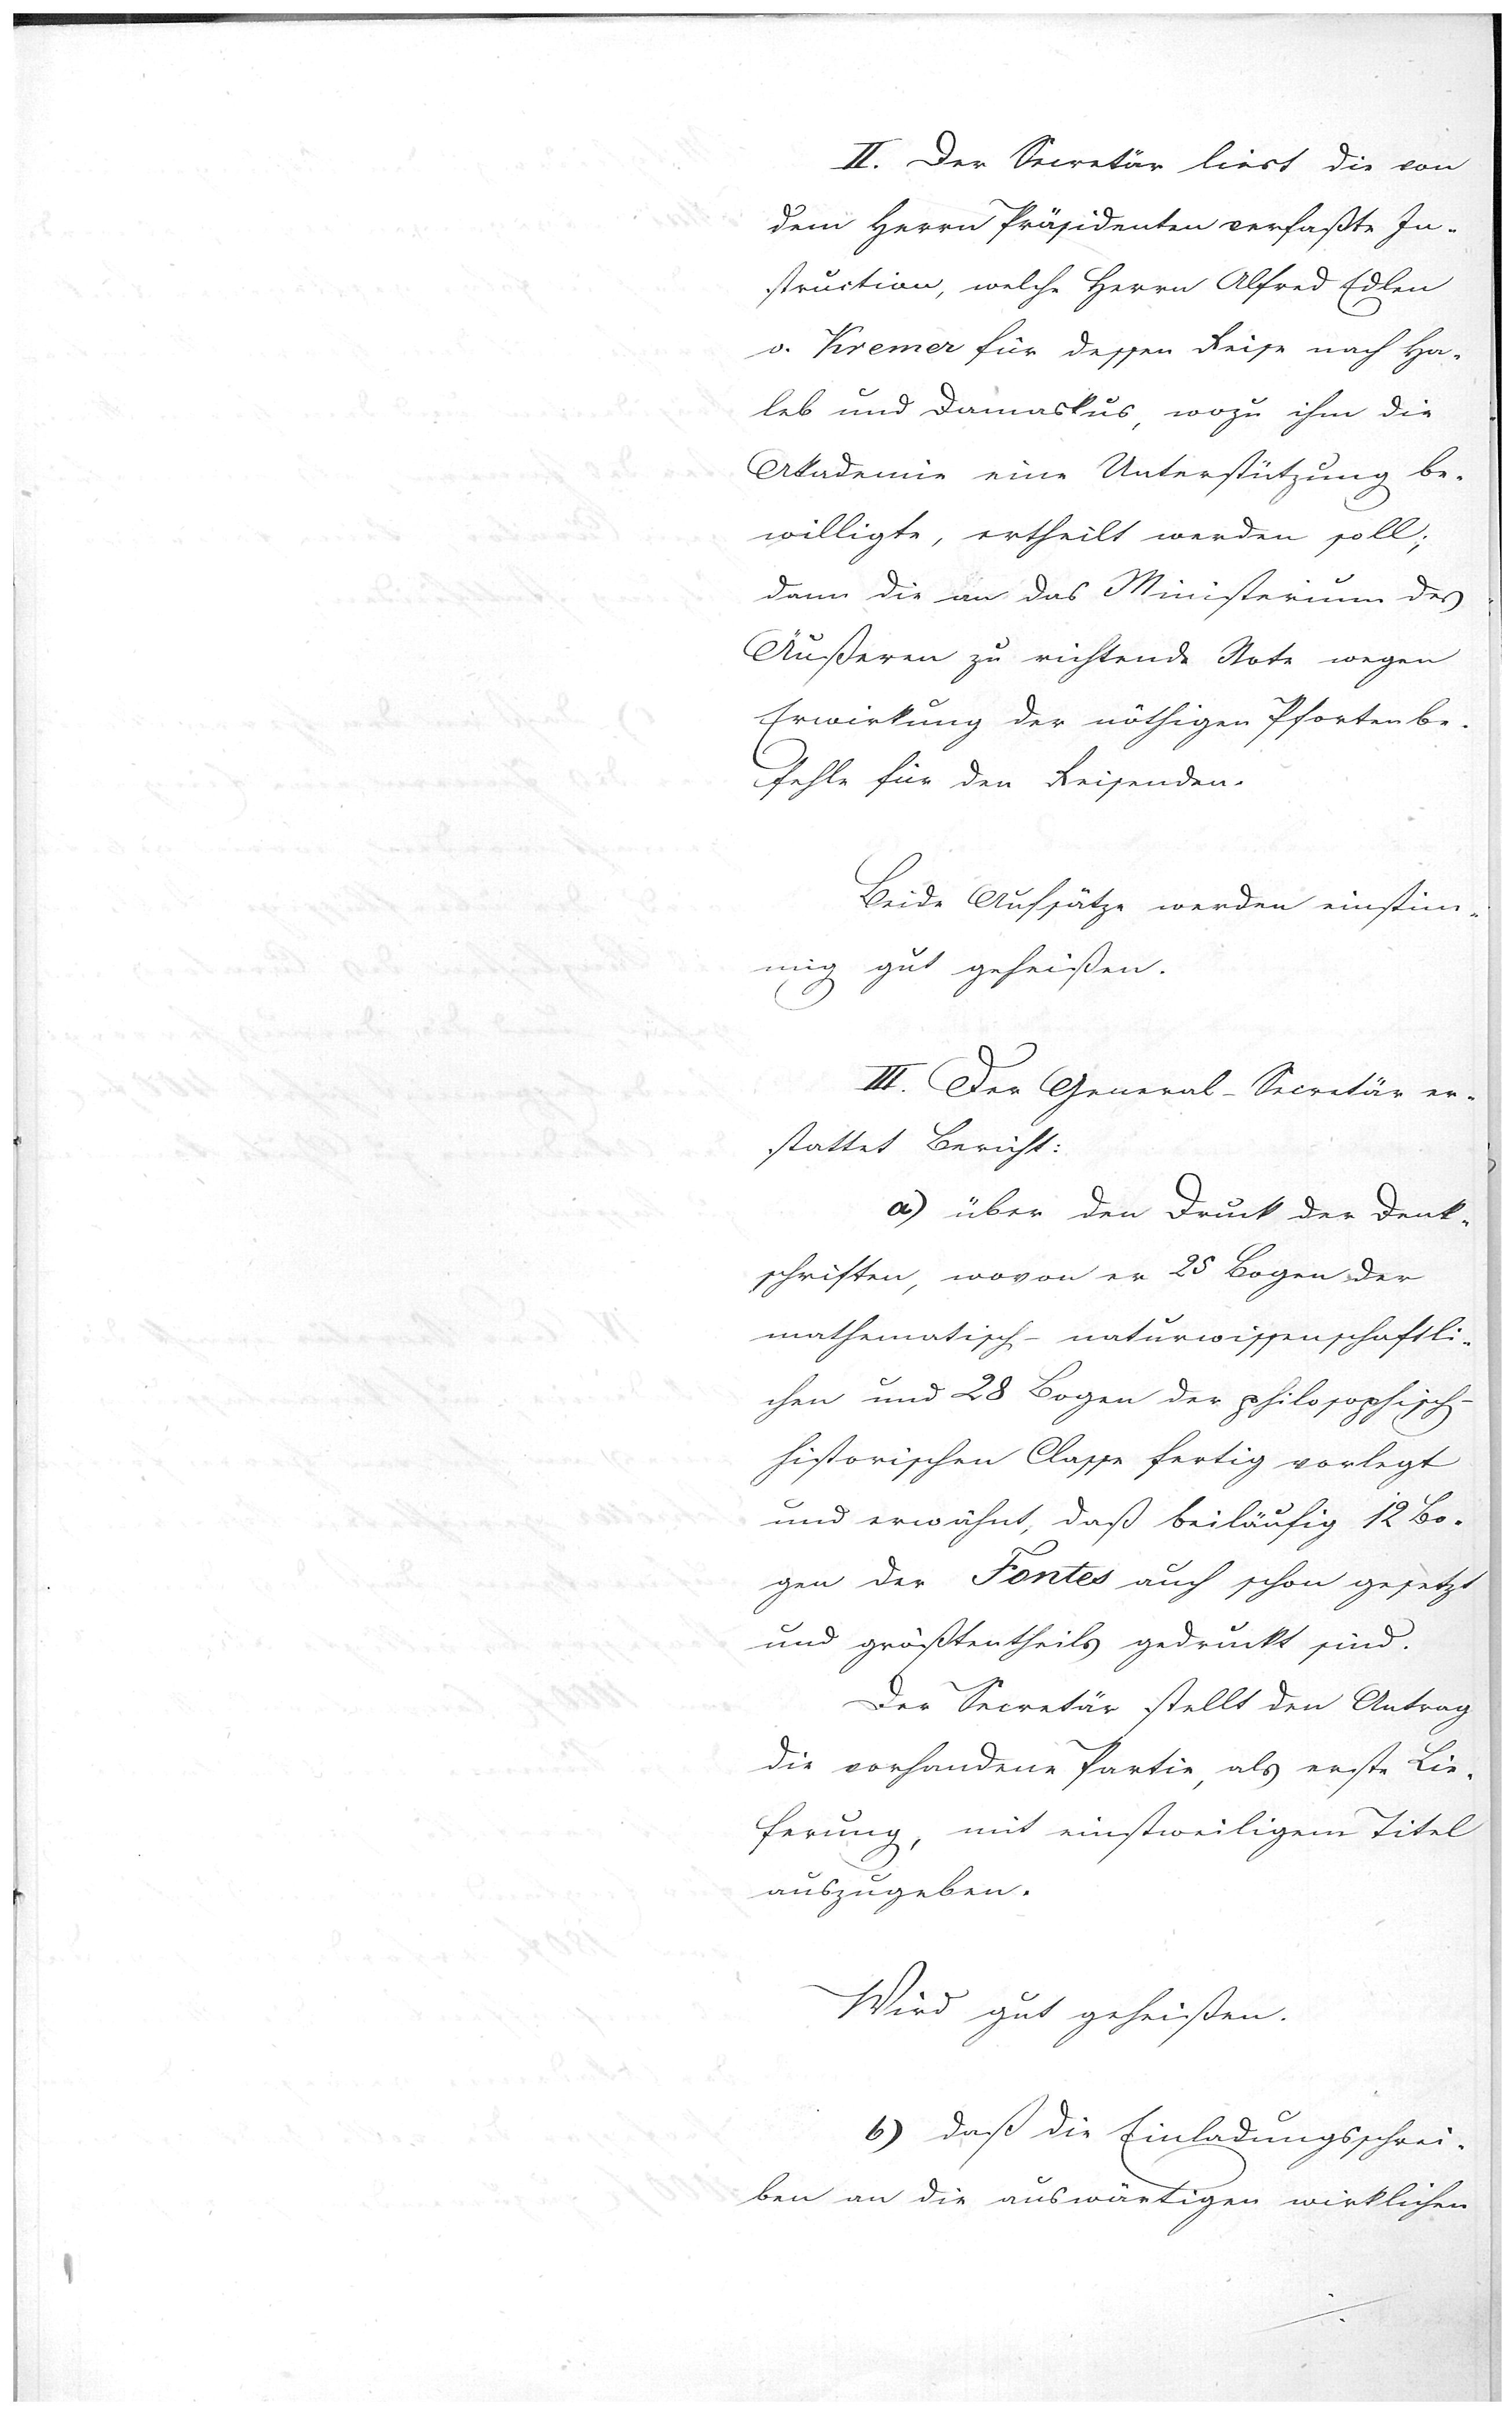II. Der Secretär liest die von
dem Herrn Präsidenten verfaßte In-
struction, welche Herrn Alfred Edlen
v. Kremer für dessen Reise nach Ha-
leb und Damaskus, wozu ihm die
Akademie eine Unterstützung be-
willigte, ertheilt werden soll;
dann die an das Ministerium des
Äußeren zu richtende Note wegen
Erwirkung der nöthigen Pfortenbe-
fehle für den Reisenden.
Beide Aufsätze werden einstim-
mig und gut geheißen.
III. Der General-Secretär er-
stattet Bericht:
a) über den Druck der Denk-
schriften, wovon er 25 Bogen der
mathematisch-naturwissenschaftli-
chen und 28 Bogen der philosophisch-
historischen Classe fertig vorlegt
und erwähnt, daß beiläufig 12 Bo-
gen der Fontes auch schon gesetzt
und größtentheils gedruckt sind.
Der Secretär stellt den Antrag
die vorhandene Partie, als erste Lie-
ferung, mit einstweiligen Titel
auszugeben.
Wird gut geheißen.
b) daß die Einladungsschrei-
ben an die auswärtigen wirklichen